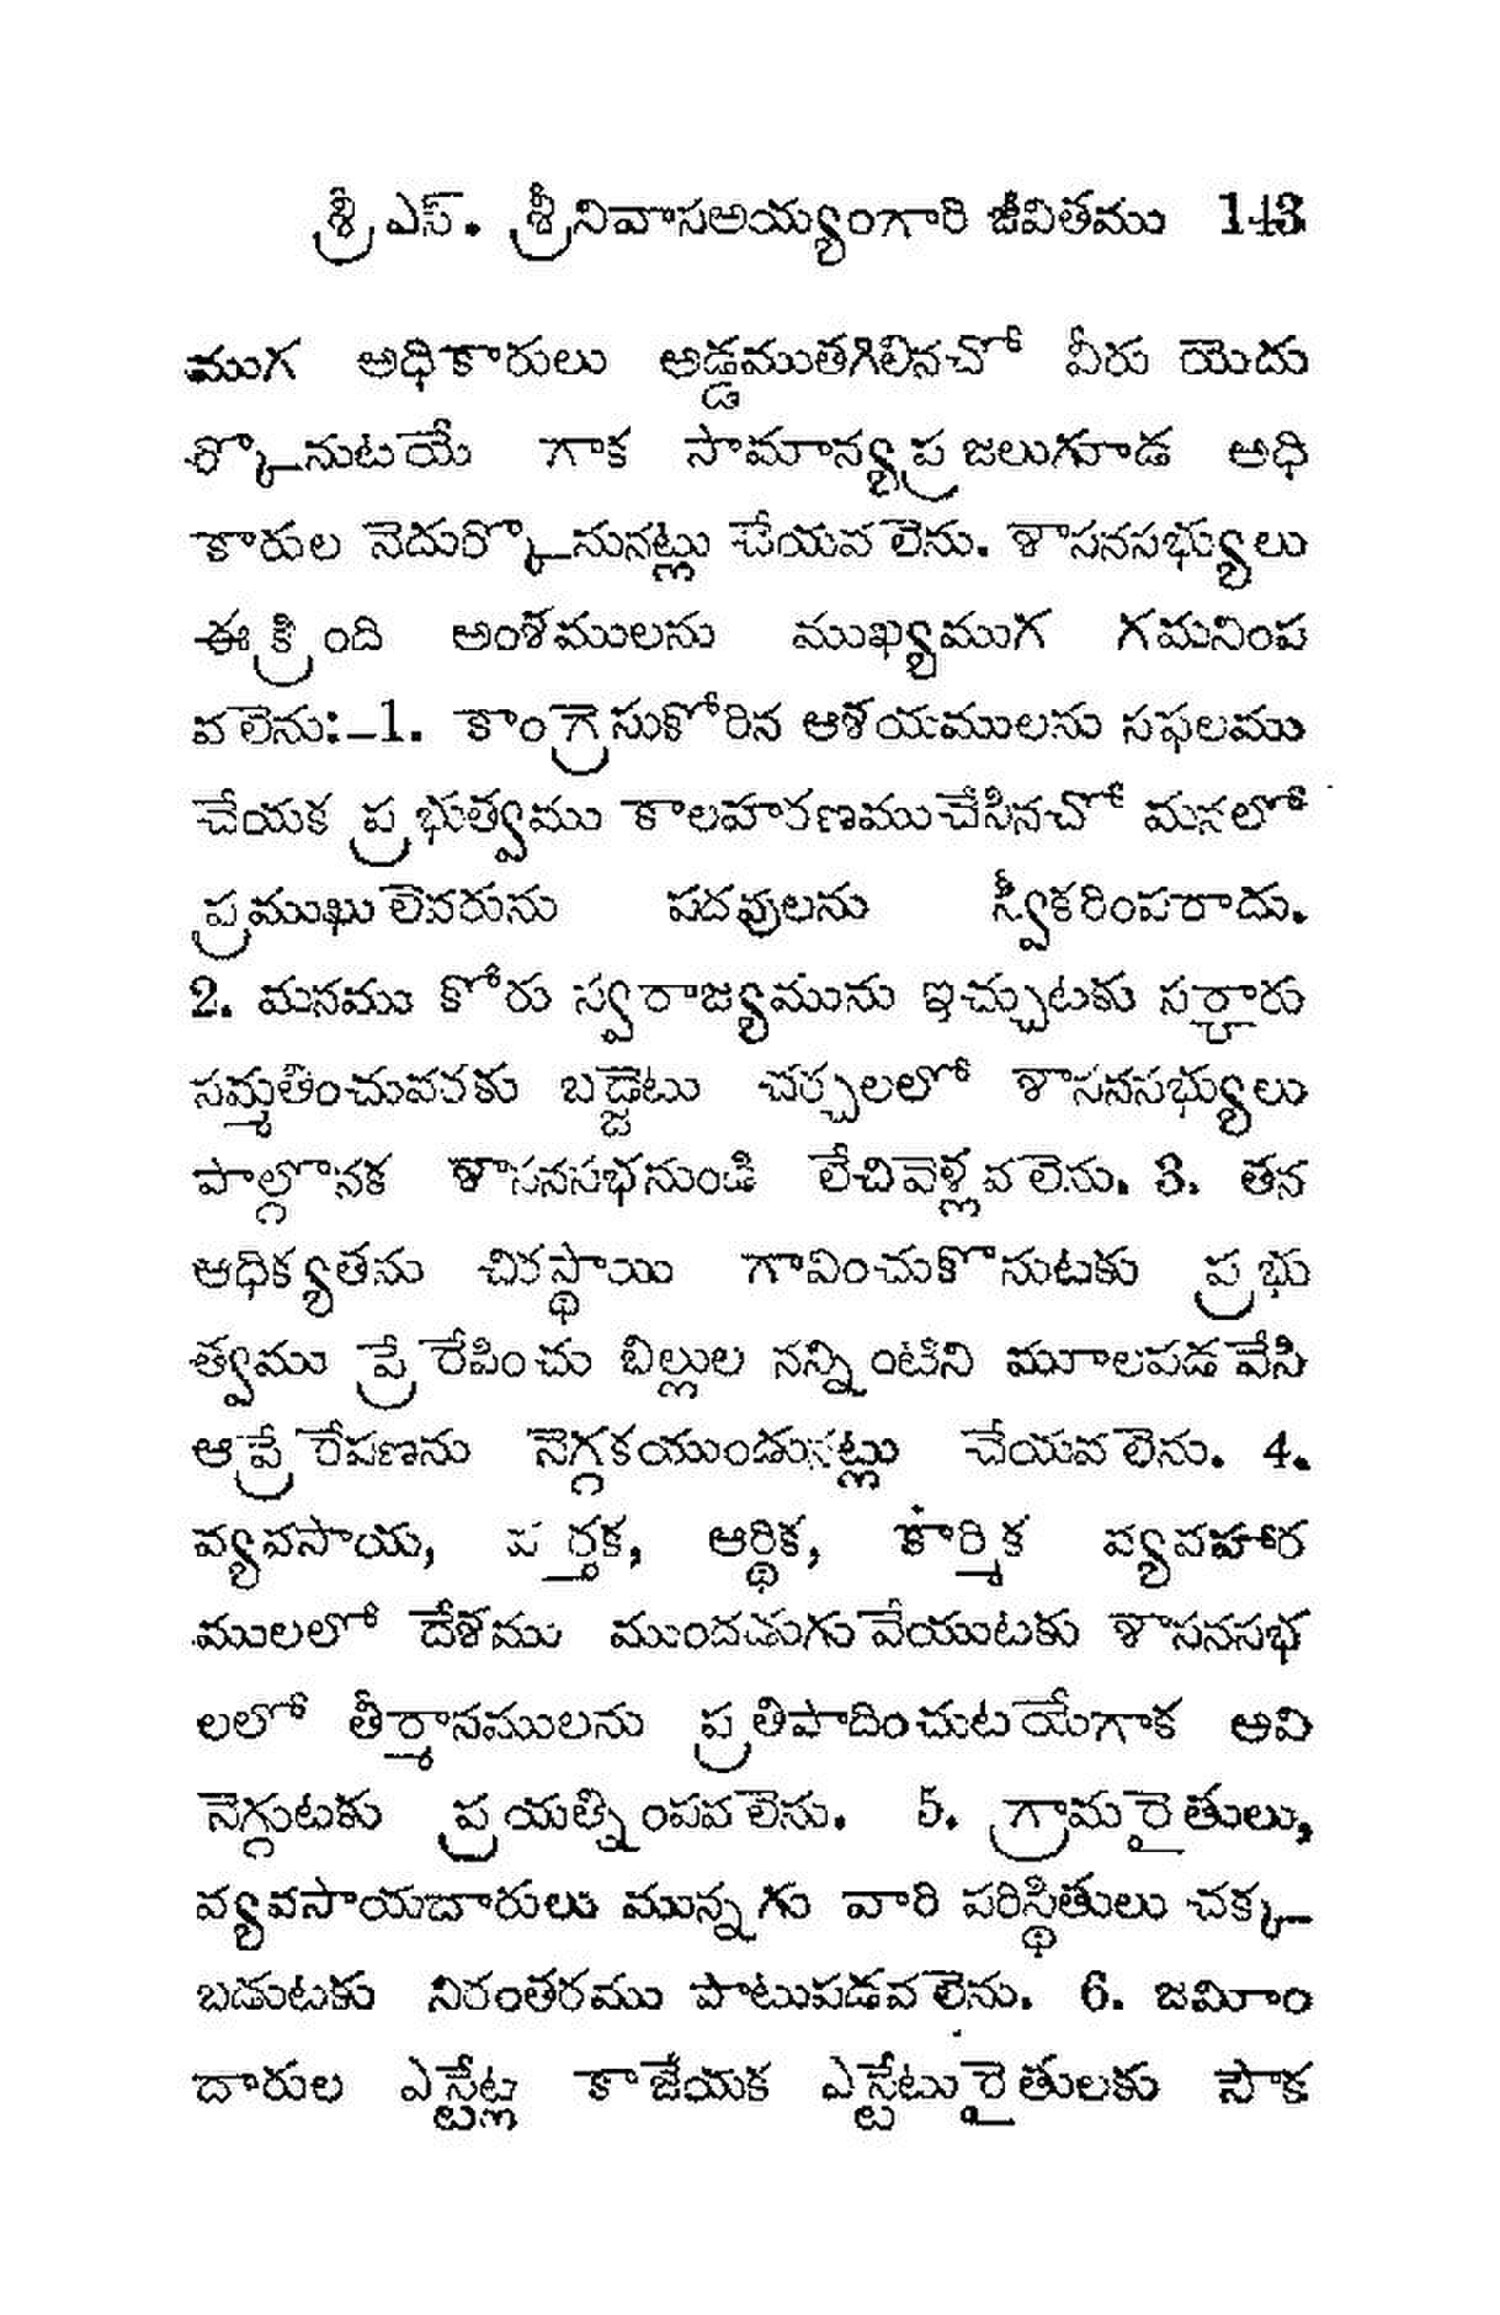ముగ అధికారులు అడ్డముతగిలినచో వీరు యెదుర్కొనుటయే గాక సామాన్యప్రజలుగూడ అధికారుల నెదుర్కొనునట్లు చేయవలెను. శాసనసభ్యులు ఈక్రింది అంశములను ముఖ్యముగ గమనింపవలెను: -1. కాంగ్రెసుకోరిన ఆశయములను సఫలము చేయక ప్రభుత్వము కాలహరణముచేసినచో మనలో ప్రముఖులెవరును పదవులను స్వీకరింపరాదు. 2. మసము కోరు స్వరాజ్యమును ఇచ్చుటకు సర్కారు సమ్మతించువరకు బడ్జెటు చర్చలలో శాసనసభ్యులు పాల్గొనక శాసనసభనుండి లేచివెళ్లవలెను. 3. తన ఆధిక్యతను చిరస్థాయి గావించుకొనుటకు ప్రభుత్వము ప్రేరేపించు బిల్లుల నన్నింటిని మూలపడవేసి ఆప్రేరేపణను నెగ్గకయుండునట్లు చేయవలెను. 4. వ్యవసాయ, వర్తక, ఆర్థిక, కార్మిక వ్యవహారములలో దేశము ముందడుగు వేయుటకు శాసనసభలలో తీర్మానములను ప్రతిపాదించుటయేగాక అవి నెగ్గుటకు ప్రయత్నింపవలెను. 5. గ్రామరైతులు, వ్యవసాయదారులు మున్నగు వారి పరిస్థితులు చక్కబడుటకు నిరంతరము పాటుపడవలెను. 6. జమీందారుల ఎస్టేట్ల కాజేయక ఎస్టేటురైతులకు సౌక